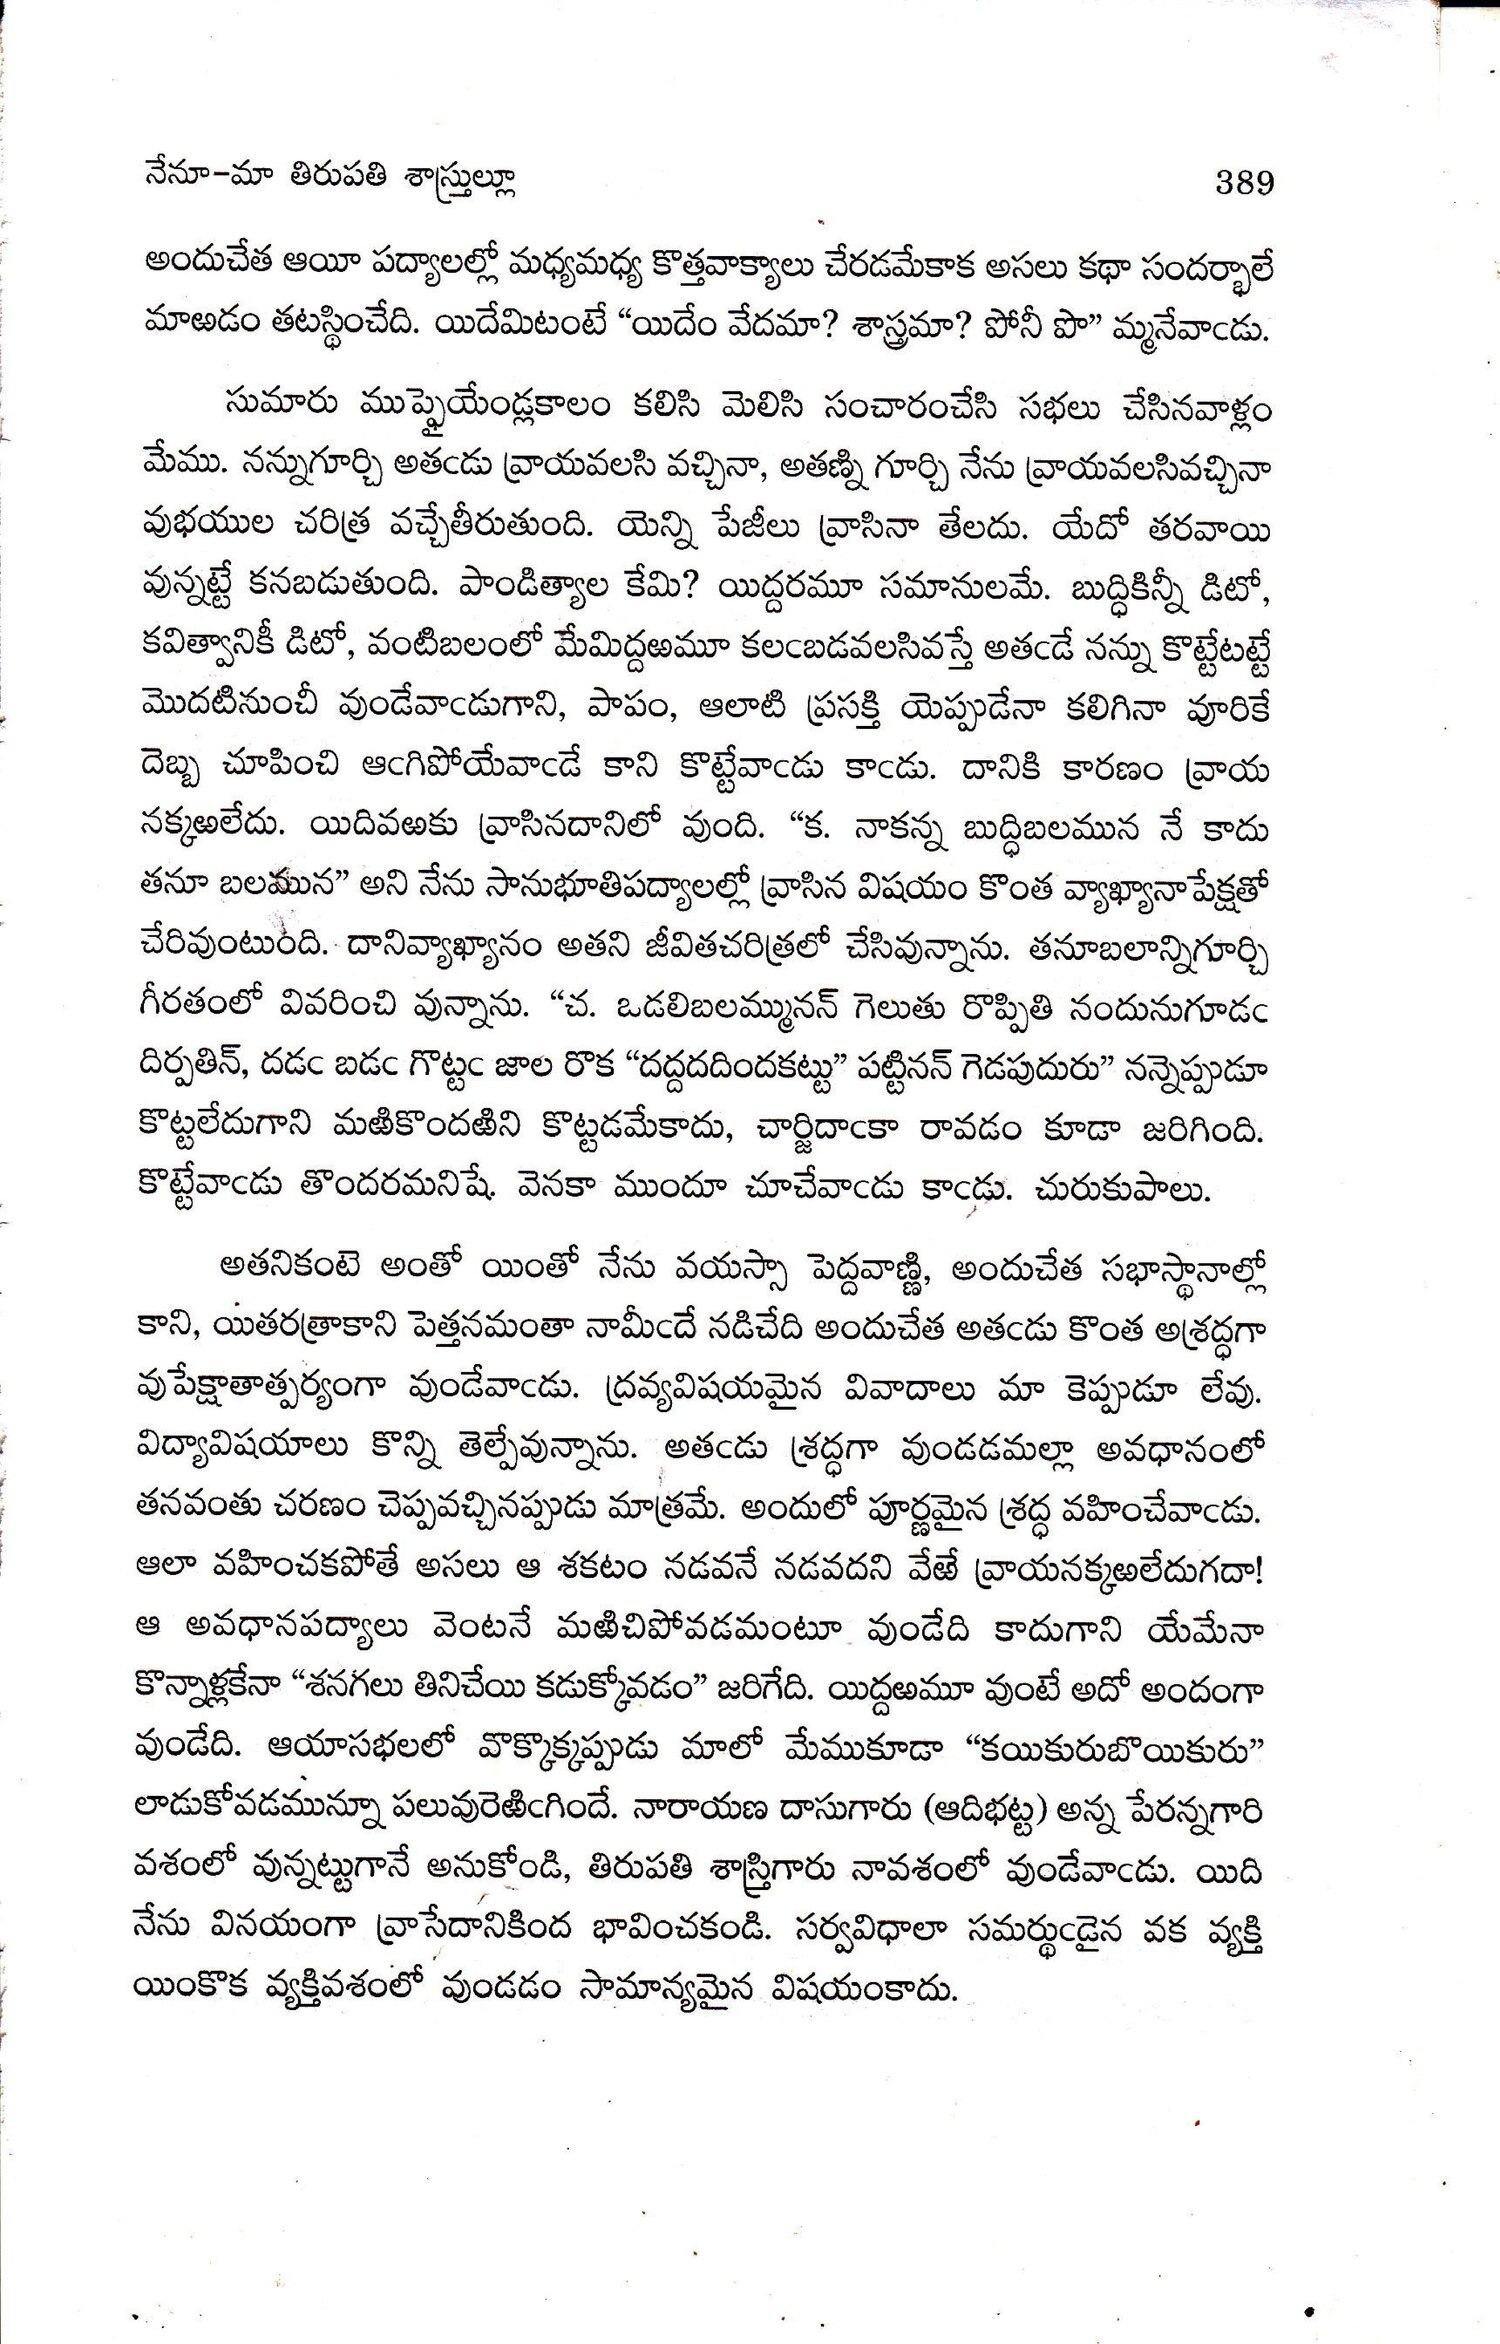అందుచేత ఆయీ పద్యాలల్లో మధ్యమధ్య కొత్తవాక్యాలు చేరడమేకాక అసలు కథా సందర్భాలే మాఱడం తటస్థించేది. యిదేమిటంటే “యిదేం వేదమా? శాస్త్రమా? పోనీ పొ” మ్మనేవాఁడు.

సుమారు ముప్ఫైయేండ్లకాలం కలిసి మెలిసి సంచారంచేసి సభలు చేసినవాళ్లం మేము. నన్నుగూర్చి అతఁడు వ్రాయవలసి వచ్చినా, అతణ్ని గూర్చి నేను వ్రాయవలసివచ్చినా వుభయుల చరిత్ర వచ్చేతీరుతుంది. యెన్ని పేజీలు వ్రాసినా తేలదు. యేదో తరవాయి వున్నట్టే కనబడుతుంది. పాండిత్యాల కేమి? యిద్దరమూ సమానులమే. బుద్ధికిన్నీ డిటో కవిత్వానికీ డిటో, వంటిబలంలో మేమిద్దఱమూ కలఁబడవలసివస్తే అతఁడే నన్నుకొట్టేటట్టే మొదటినుంచీ వుండేవాఁడుగాని, పాపం, ఆలాటి ప్రసక్తి యెప్పడేనా కలిగినా వూరికే దెబ్బ చూపించి ఆఁగిపోయేవాఁడే కాని కొట్టేవాఁడు కాఁడు. దానికి కారణం వ్రాయ నక్కఱలేదు. యిదివఱకు వ్రాసినదానిలో వుంది. "క. నాకన్న బుద్ధిబలమున నే కాదు తనూ బలమున" అని నేను సానుభూతిపద్యాలల్లో వ్రాసిన విషయం కొంత వ్యాఖ్యానాపేక్షతో చేరివుంటుంది. దానివ్యాఖ్యానం అతని జీవితచరిత్రలో చేసివున్నాను. తనూబలాన్నిగూర్చి గీరతంలో వివరించి వున్నాను. “చ. ఒడలిబలమ్మునన్ గెలుతు రొప్పితి నందునుగూడఁ దిర్బతిన్, దడఁ బడఁ గొట్టఁ జాల రొక “దద్దదదిందకట్టు" పట్టినన్ గెడపుదురు" నన్నెప్పుడూ కొట్టలేదుగాని మఱికొందఱిని కొట్టడమేకాదు, చార్జిదాఁకా రావడం కూడా జరిగింది. కొట్టేవాఁడు తొందరమనిషే, వెనకా ముందూ చూచేవాఁడు కాఁడు. చురుకుపాలు.

అతనికంటె అంతో యింతో నేను వయస్సా పెద్దవాణ్ణి, అందుచేత సభాస్థానాల్లో కాని, యితరత్రాకాని పెత్తనమంతా నామీఁదే నడిచేది అందుచేత అతఁడు కొంత అశ్రద్ధగా వుపేక్షాతాత్పర్యంగా వుండేవాఁడు. ద్రవ్యవిషయమైన వివాదాలు మా కెప్పడూ లేవు. విద్యావిషయాలు కొన్ని తెల్పేవున్నాను. అతఁడు శ్రద్ధగా వుండడమల్లా అవధానంలో తనవంతు చరణం చెప్పవచ్చినప్పుడు మాత్రమే. అందులో పూర్ణమైన శ్రద్ధ వహించేవాఁడు. ఆలా వహించకపోతే అసలు ఆ శకటం నడవనే నడవదని వేఱే వ్రాయనక్కఱలేదుగదా! ఆ అవధానపద్యాలు వెంటనే మఱిచిపోవడమంటూ వుండేది కాదుగాని యేమేనా కొన్నాళ్లకేనా “శనగలు తినిచేయి కడుక్కోవడం" జరిగేది. యిద్దఱమూ వుంటే అదో అందంగా వుండేది. ఆయాసభలలో వొక్కొక్కప్పుడు మాలో మేముకూడా “కయికురుబొయికురు” లాడుకోవడమున్నూ పలువురెఱిఁగిందే. నారాయణ దాసుగారు (ఆదిభట్ట)అన్న పేరన్నగారి వశంలో వున్నట్టుగానే అనుకోండి, తిరుపతి శాస్త్రిగారు నావశంలో వుండేవాఁడు. యిది నేను వినయంగా వ్రాసేదానికింద భావించకండి. సర్వవిధాలా సమర్థుఁడైన వక వ్యక్తి యింకొక వ్యక్తివశంలో వుండడం సామాన్యమైన విషయంకాదు.